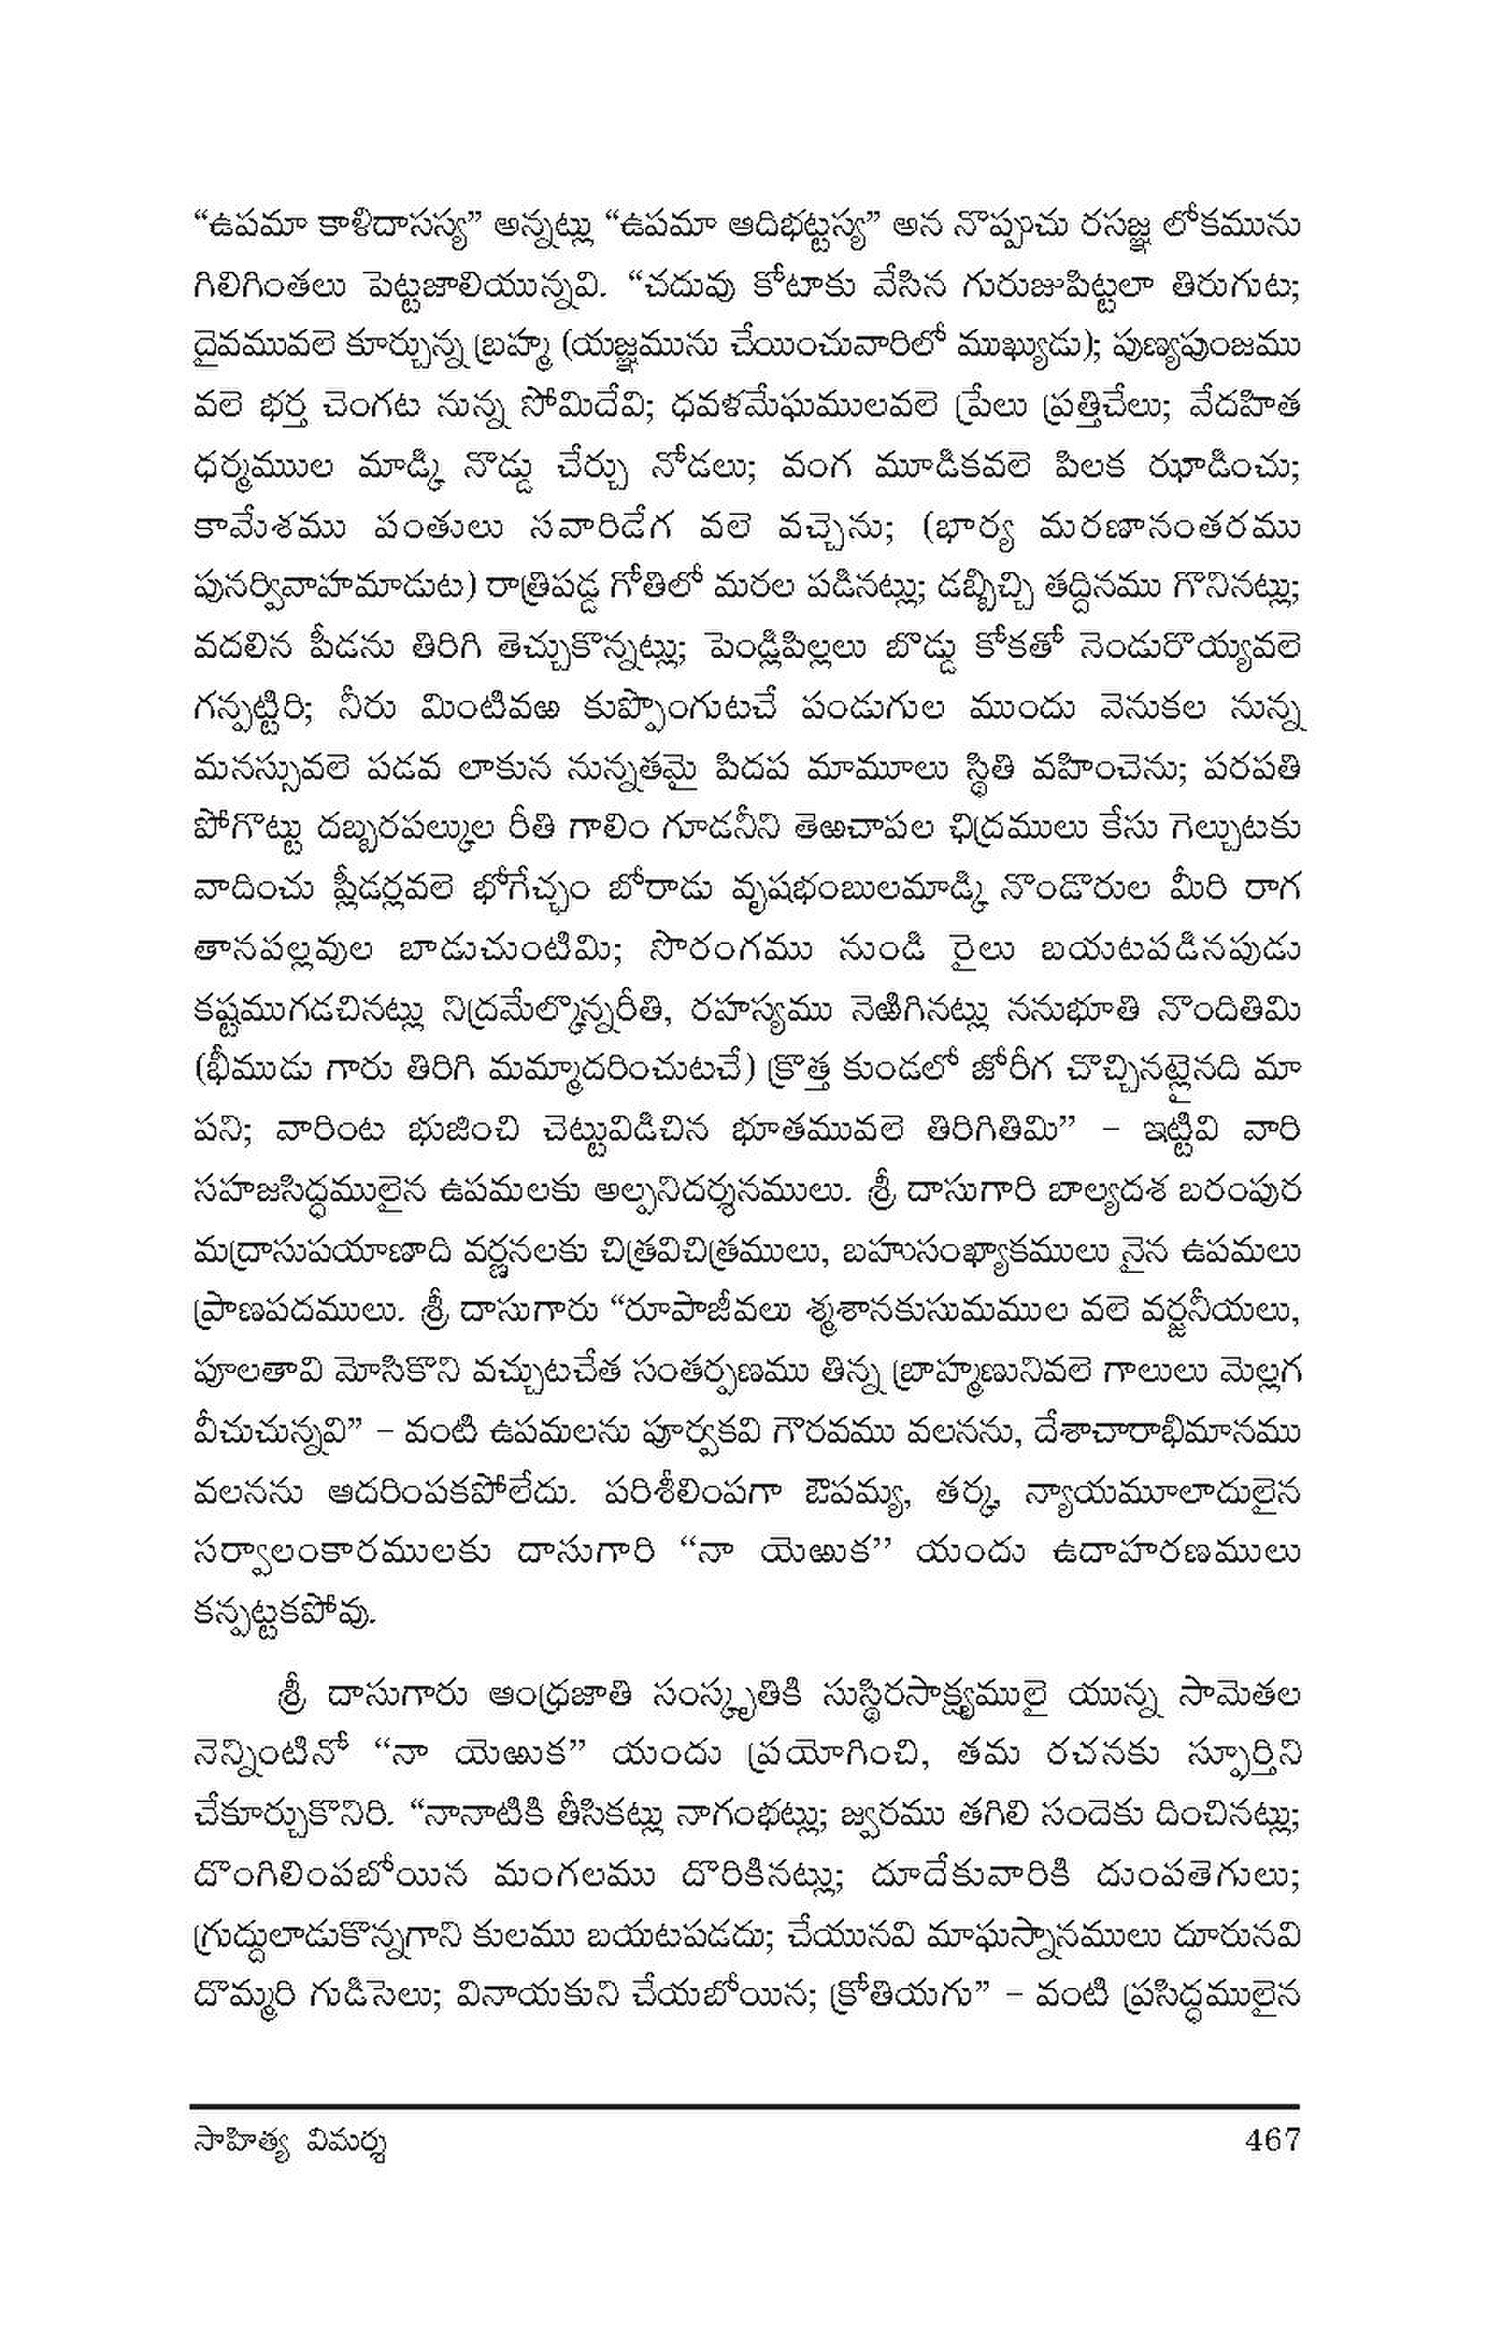“ఉపమా కాళిదాసస్య” అన్నట్లు "ఉపమా ఆదిభట్టస్య" అన నొప్పుచు రసజ్ఞ లోకమును
గిలిగింతలు పెట్టజాలియున్నవి. “చదువు కోటాకు వేసిన గురుజుపిట్టలా తిరుగుట;
దైవమువలె కూర్చున్న బ్రహ్మ (యజ్ఞమును చేయించువారిలో ముఖ్యుడు); పుణ్యపుంజము
వలె భర్త చెంగట నున్న సోమిదేవి; ధవళమేఘములవలె ప్రేలు ప్రత్తిచేలు; వేదహిత
ధర్మముల మాడ్కి నొడ్డు చేర్చు నోడలు; వంగ మూడికవలె పిలక ఝాడించు;
కామేశము పంతులు సవారిడేగ వలె వచ్చెను; (భార్య మరణానంతరము
పునర్వివాహమాడుట) రాత్రిపడ్డ గోతిలో మరల పడినట్లు; డబ్బిచ్చి తద్దినము గొనినట్లు;
వదలిన పీడను తిరిగి తెచ్చుకొన్నట్లు; పెండ్లిపిల్లలు బొడ్డు కోకతో నెండు రొయ్యవలె
గన్పట్టిరి; నీరు మింటివఱ కుప్పొంగుటచే పండుగుల ముందు వెనుకల నున్న
మనస్సువలె పడవ లాకున నున్నతమై పిదప మామూలు స్థితి వహించెను; పరపతి
పోగొట్టు దబ్బరపల్కుల రీతి గాలిం గూడనీని తెఱచాపల ఛిద్రములు కేసు గెల్చుటకు
వాదించు ప్లీడర్లవలె భోగేచ్ఛం బోరాడు వృషభంబులమాడ్కి నొండొరులు మీరి రాగ
తానపల్లవుల బాడుచుంటిమి; సొరంగము నుండి రైలు బయటపడినపుడు
కష్టముగడచినట్లు నిద్రమేల్కొన్నరీతి, రహస్యము నెఱిగినట్లు ననుభూతి నొందితిమి
(భీముడు గారు తిరిగి మమ్మాదరించుటచే) క్రొత్త కుండలో జోరీగ చొచ్చినట్లైనది మా
పని; వారింట భుజించి చెట్టువిడిచిన భూతమువలె తిరిగితిమి”
ఇట్టివి వారి
సహజసిద్ధములైన ఉపమలకు అల్పనిదర్శనములు. శ్రీ దాసుగారి బాల్యదశ బరంపుర
మద్రాసుపయాణాది వర్ణనలకు చిత్రవిచిత్రములు, బహుసంఖ్యాకములు నైన ఉపమలు
ప్రాణపదములు. శ్రీ దాసుగారు "రూపాజీవలు శ్మశానకుసుమముల వలె వర్ణనీయలు,
పూలతావి మోసికొని వచ్చుటచేత సంతర్పణము తిన్న బ్రాహ్మణునివలె గాలులు మెల్లగ
వీచుచున్నవి” - వంటి ఉపమలను పూర్వకవి గౌరవము వలనను, దేశాచారాభిమానము
వలనను ఆదరింపకపోలేదు. పరిశీలింపగా ఔపమ్య, తర్క, న్యాయమూలాదులైన
సర్వాలంకారములకు దాసుగారి “నా యెఱుక” యందు ఉదాహరణములు
కన్పట్టకపోవు.

శ్రీ దాసుగారు ఆంధ్రజాతి సంస్కృతికి సుస్థిరసాక్ష్యములై యున్న సామెతల
నెన్నింటినో "నా యెఱుక” యందు ప్రయోగించి, తమ రచనకు స్ఫూర్తిని
చేకూర్చుకొనిరి. "నానాటికి తీసికట్లు నాగంభట్లు; జ్వరము తగిలి సందెకు దించినట్లు;
దొంగిలింపబోయిన మంగలము దొరికినట్లు; దూదేకువారికి దుంపతెగులు;
గ్రుద్దులాడుకొన్నగాని కులము బయటపడదు; చేయునవి మాఘస్నానములు దూరునవి
దొమ్మరి గుడిసెలు; వినాయకుని చేయబోయిన; క్రోతియగు" - వంటి ప్రసిద్ధములైన